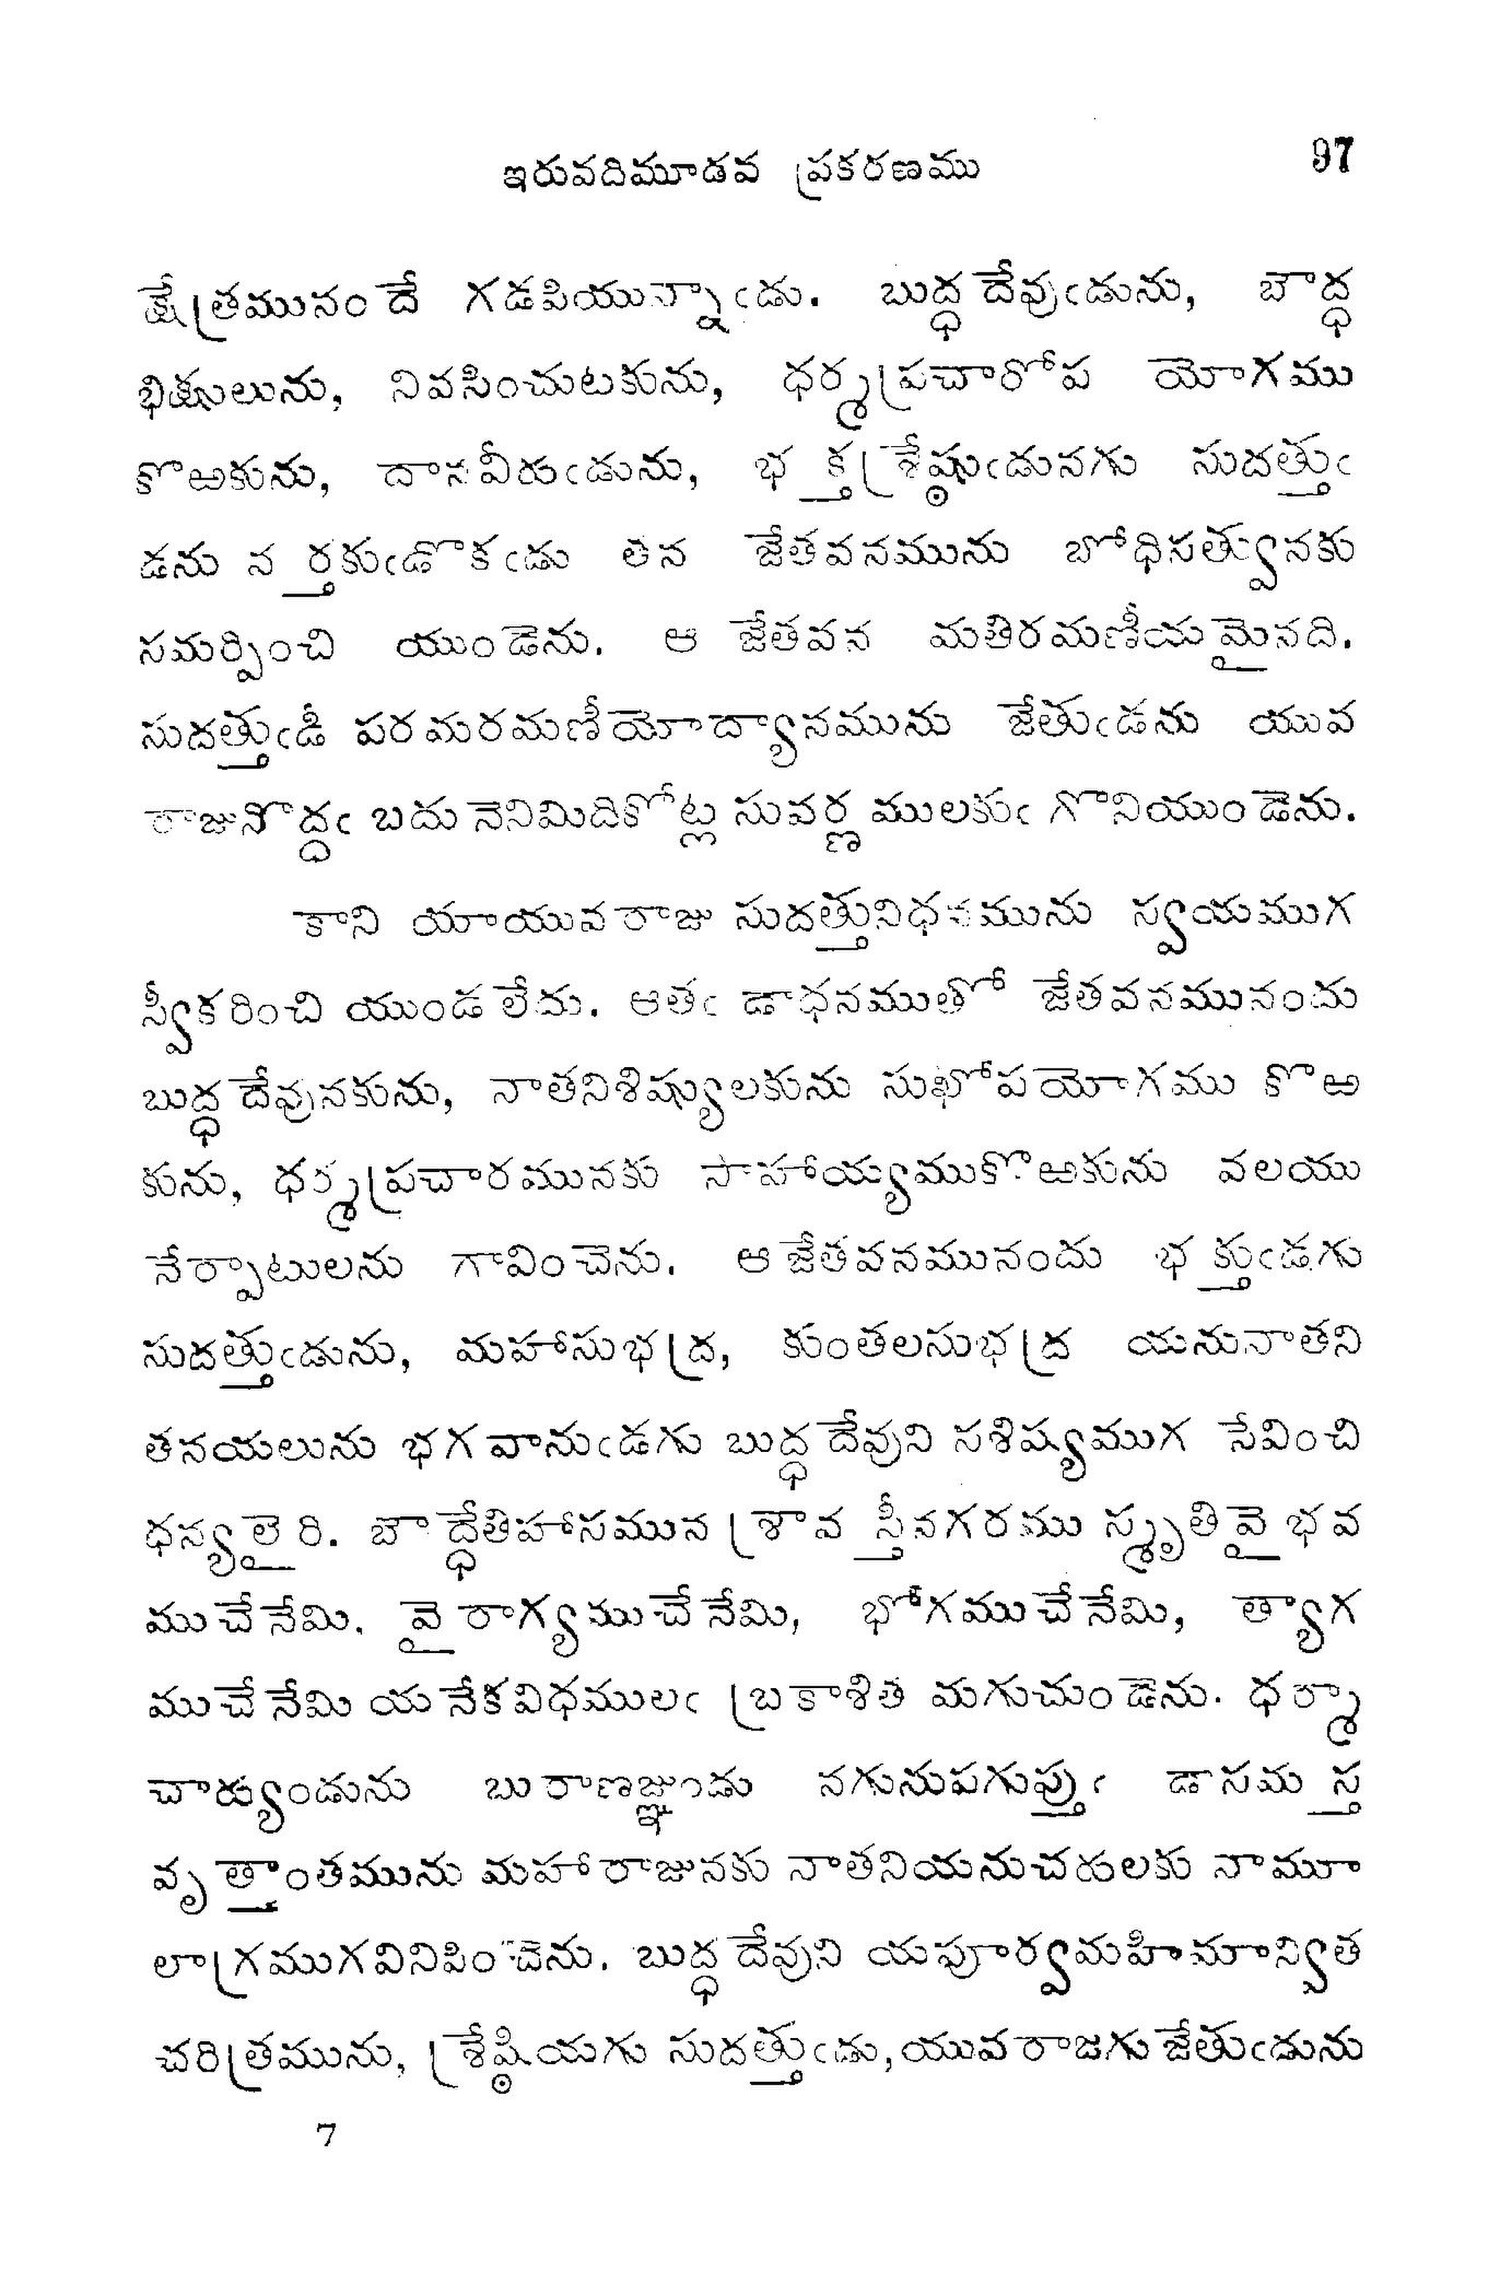క్షేత్రమునందే గడపియున్నాఁడు. బుద్ధ దేవుఁడును, బౌద్ధభిక్షులును, నివసించుటకును, ధర్మ ప్రచారోప యోగము కొఱకును, దాన వీరుఁడును, భక్తశ్రేష్ఠుఁడునగు సుదత్తుఁడను వర్తకుఁడొకఁడు తన జేతవనమును బోధిసత్వునకు సమర్పించి యుండెను. ఆ జేతవన మతిరమణీయమైనది.
సుదత్తుఁడీ పరమరమణీయోద్యానమును జేతుఁడను యువరాజునొద్దఁ బదు నెనిమిదికోట్ల సువర్ణ ములకుఁ గొనియుం డెను.

కాని యాయువ రాజు సుదత్తునిధనమును స్వయముగ స్వీకరించి యుండ లేదు. ఆతఁ డాధనముతో జేతవనమునందు బుద్ధ దేవునకును, నాతని శిష్యులకును సుఖోపయోగము కొఱ
కును, ధర్మప్రచారమునకు సాహాయ్యముకొఱకును వలయు నేర్పాటులను గావించెను. ఆ జేతవనమునందు భక్తుఁడగు సుదత్తుఁడును, మహాసుభద్ర, కుంతలసుభద్ర యనునాతని
తనయలును భగవానుఁడగు బుద్ధ దేవుని సశిష్యముగ సేవించి ధన్య లైరి. బౌద్ధేతిహాసమున శ్రావ స్తీ నగరము స్మృతి వై భవముచేనేమి, వై రాగ్యముచేనేమి, భోగము చేనేమి, త్యాగ
ముచేనేమి యనేక విధములఁ బ్రకాశిత మగుచుండెను. ధర్మాచార్యుండును బురాణజ్ఞుండు నగునుపగుప్తుఁ, డాసమస్త వృత్తాంతమును మహారాజునకు నాతనియనుచరులకు నామూ
లాగ్రముగ వినిపించెను. బుద్ధ దేవుని యపూర్వమహిమాన్విత చరిత్రమును, శ్రేష్టియగు సుదత్తుఁడు, యువ రాజగు జేతుఁడును